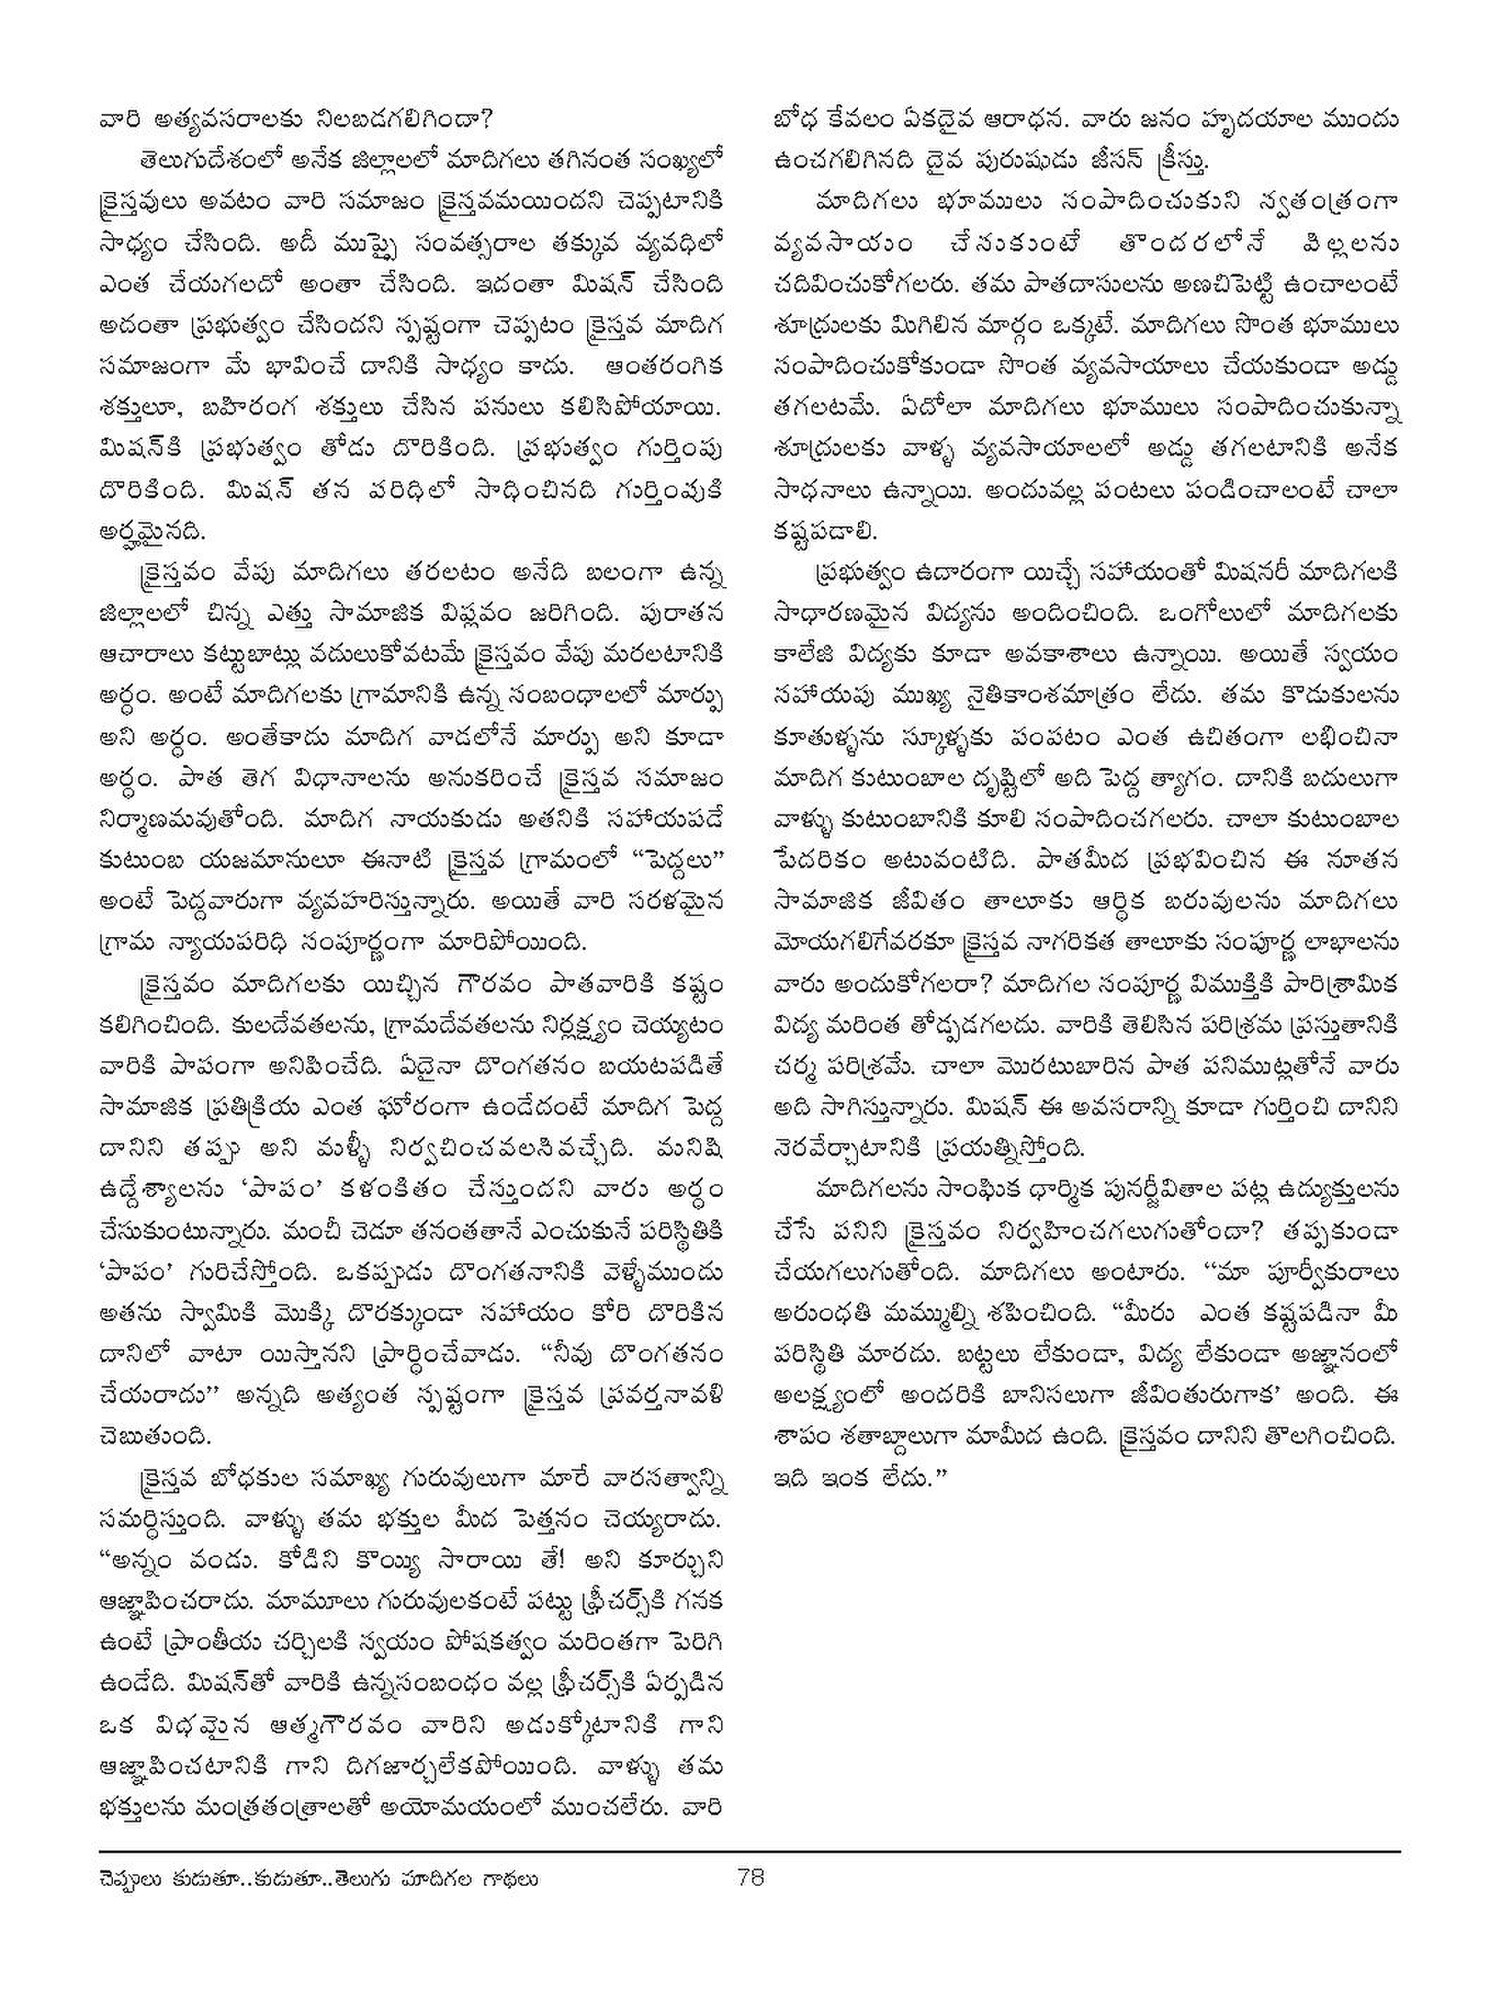వారి అత్యవసరాలకు నిలబడగలిగిందా?

తెలుగుదేశంలో అనేక జిల్లాలలో మాదిగలు తగినంత సంఖ్యలో క్రైస్తవులు అవటం వారి సమాజం క్రైస్తవమయిందని చెప్పటానికి సాధ్యం చేసింది. అది ముప్పై సంవత్సరాల తక్కువ వ్యవధిలో ఎంత చేయగలదో అంతా చేసింది. ఇదంతా మిషన్ చేసింది అదంతా ప్రభుత్వం చేసిందని స్పష్టంగా చెప్పటం క్రైస్తవ మాదిగ సమాజంగా మే భావించే దానికి సాధ్యం కాదు. ఆంతరంగిక శక్తులూ, బహిరంగ శక్తులు చేసిన పనులు కలిసిపోయాయి. మిషన్‌కి ప్రభుత్వం తోడు దొరికింది. ప్రభుత్వం గుర్తింపు దొరికింది. మిషన్ తన పరిధిలో సాధించినది గుర్తింపుకి అర్హమైనది.

క్రైస్తవం వేపు మాదిగలు తరలటం అనేది బలంగా ఉన్న జిల్లాలలో చిన్న ఎత్తు సామాజిక విప్లవం జరిగింది. పురాతన ఆచారాలు కట్టుబాట్లు వదులుకోవటమే క్రైస్తవం వేపు మరలటానికి అర్ధం. అంటే మాదిగలకు గ్రామానికి ఉన్న సంబంధాలలో మార్పు అని అర్ధం. అంతేకాదు మాదిగ వాడలోనే మార్పు అని కూడా అర్ధం. పాత తెగ విధానాలను అనుకరించే క్రైస్తవ సమాజం నిర్మాణమవుతోంది. మాదిగ నాయకుడు అతనికి సహాయపడే కుటుంబ యజమానులూ ఈనాటి క్రైస్తవ గ్రామంలో “పెద్దలు” అంటే పెద్దవారుగా వ్యవహరిస్తున్నారు. అయితే వారి సరళమైన గ్రామ న్యాయపరిధి సంపూర్ణంగా మారిపోయింది.

క్రైస్తవం మాదిగలకు యిచ్చిన గౌరవం పాతవారికి కష్టం కలిగించింది. కులదేవతలను, గ్రామదేవతలను నిర్లక్ష్యం చెయ్యటం వారికి పాపంగా అనిపించేది. ఏదైనా దొంగతనం బయటపడితే సామాజిక ప్రతిక్రియ ఎంత ఘోరంగా ఉండేదంటే మాదిగ పెద్ద దానిని తప్పు అని మళ్ళీ నిర్వచించవలసివచ్చేది. మనిషి
ఉద్దేశ్యాలను 'పాపం' కళంకితం చేస్తుందని వారు అర్ధం చేసుకుంటున్నారు. మంచీ చెడూ తనంతతానే ఎంచుకునే పరిస్థితికి 'పాపం' గురిచేస్తోంది. ఒకప్పుడు దొంగతనానికి వెళ్ళేముందు అతను స్వామికి మొక్కి దొరక్కుండా సహాయం కోరి దొరికిన దానిలో వాటా యిస్తానని ప్రార్ధించేవాడు. "నీవు దొంగతనం చేయరాదు" అన్నది అత్యంత స్పష్టంగా క్రైస్తవ ప్రవర్తనావళి చెబుతుంది.

క్రైస్తవ బోధకుల సమాఖ్య గురువులుగా మారే వారసత్వాన్ని సమర్పిస్తుంది. వాళ్ళు తమ భక్తుల మీద పెత్తనం చెయ్యరాదు. "అన్నం వండు. కోడిని కొయ్యి సారాయి తే! అని కూర్చుని ఆజ్ఞాపించరాదు. మామూలు గురువులకంటే పట్టు ఫ్రీచర్స్‌కి గనక ఉంటే ప్రాంతీయ చర్చిలకి స్వయం పోషకత్వం మరింతగా పెరిగి ఉండేది. మిషన్‌తో వారికి ఉన్నసంబంధం వల్ల ఫ్రీచర్స్‌కి ఏర్పడిన ఒక విధమైన ఆత్మగౌరవం వారిని అడ్డుక్కోటానికి గాని ఆజ్ఞాపించటానికి గాని దిగజార్చలేకపోయింది. వాళ్ళు తమ భక్తులను మంత్రతంత్రాలతో అయోమయంలో ముంచలేరు. వారి బోధ కేవలం ఏకదైవ ఆరాధన. వారు జనం హృదయాల ముందు
ఉంచగలిగినది దైవ పురుషుడు జీసస్ క్రీస్తు.

మాదిగలు భూములు సంపాదించుకుని స్వతంత్రంగా వ్యవసాయం చేసుకుంటే తొందరలోనే పిల్లలను
చదివించుకోగలరు. తమ పాతదాసులను అణచిపెట్టి ఉంచాలంటే శూద్రులకు మిగిలిన మార్గం ఒక్కటే, మాదిగలు సొంత భూములు సంపాదించుకోకుండా సొంత వ్యవసాయాలు చేయకుండా అడ్డు తగలటమే. ఏదోలా మాదిగలు భూములు సంపాదించుకున్నా శూద్రులకు వాళ్ళ వ్యవసాయాలలో అడ్డు తగలటానికి అనేక సాధనాలు ఉన్నాయి. అందువల్ల పంటలు పండించాలంటే చాలా కష్టపడాలి.

ప్రభుత్వం ఉదారంగా యిచ్చే సహాయంతో మిషనరీ మాదిగలకి సాధారణమైన విద్యను అందించింది. ఒంగోలులో మాదిగలకు కాలేజి విద్యకు కూడా అవకాశాలు ఉన్నాయి. అయితే స్వయం సహాయపు ముఖ్య నైతికాంశమాత్రం లేదు. తమ కొడుతులను కూతుళ్ళను స్కూళ్ళకు పంపటం ఎంత ఉచితంగా లభించినా
మాదిగ కుటుంబాల దృష్టిలో అది పెద్ద త్యాగం. దానికి బదులుగా వాళ్ళు కుటుంబానికి కూలి సంపాదించగలరు. చాలా కుటుంబాల పేదరికం అటువంటిది. పాతమీద ప్రభవించిన ఈ నూతన
సామాజిక జీవితం తాలూకు ఆర్థిక బరువులను మాదిగలు మోయగలిగేవరకూ క్రైస్తవ నాగరికత తాలూకు సంపూర్ణ లాభాలను వారు అందుకోగలరా? మాదిగల సంపూర్ణ విముక్తికి పారిశ్రామిక విద్య మరింత తోడ్పడగలదు. వారికి తెలిసిన పరిశ్రమ ప్రస్తుతానికి చర్మ పరిశ్రమే. చాలా మొరటుబారిన పాత పనిముట్లతోనే వారు అది సాగిస్తున్నారు. మిషన్ ఈ అవసరాన్ని కూడా గుర్తించి దానిని నెరవేర్చాటానికి ప్రయత్నిస్తోంది.

మాదిగలను సాంఘిక ధార్మిక పునర్జీవితాల పట్ల ఉద్యుక్తులను చేసే పనిని క్రైస్తవం నిర్వహించగలుగుతోందా? తప్పకుండా చేయగలుగుతోంది. మాదిగలు అంటారు. "మా పూర్వీకురాలు అరుంధతి మమ్ముల్ని శపించింది. "మీరు ఎంత కష్టపడినా మీ పరిస్థితి మారదు. బట్టలు లేకుండా, విద్య లేకుండా అజ్ఞానంలో
అలక్ష్యంలో అందరికి బానిసలుగా జీవింతురుగాక' అంది. ఈ శాపం శతాబ్దాలుగా మామీద ఉంది. క్రైస్తవం దానిని తొలగించింది. ఇది ఇంక లేదు.”